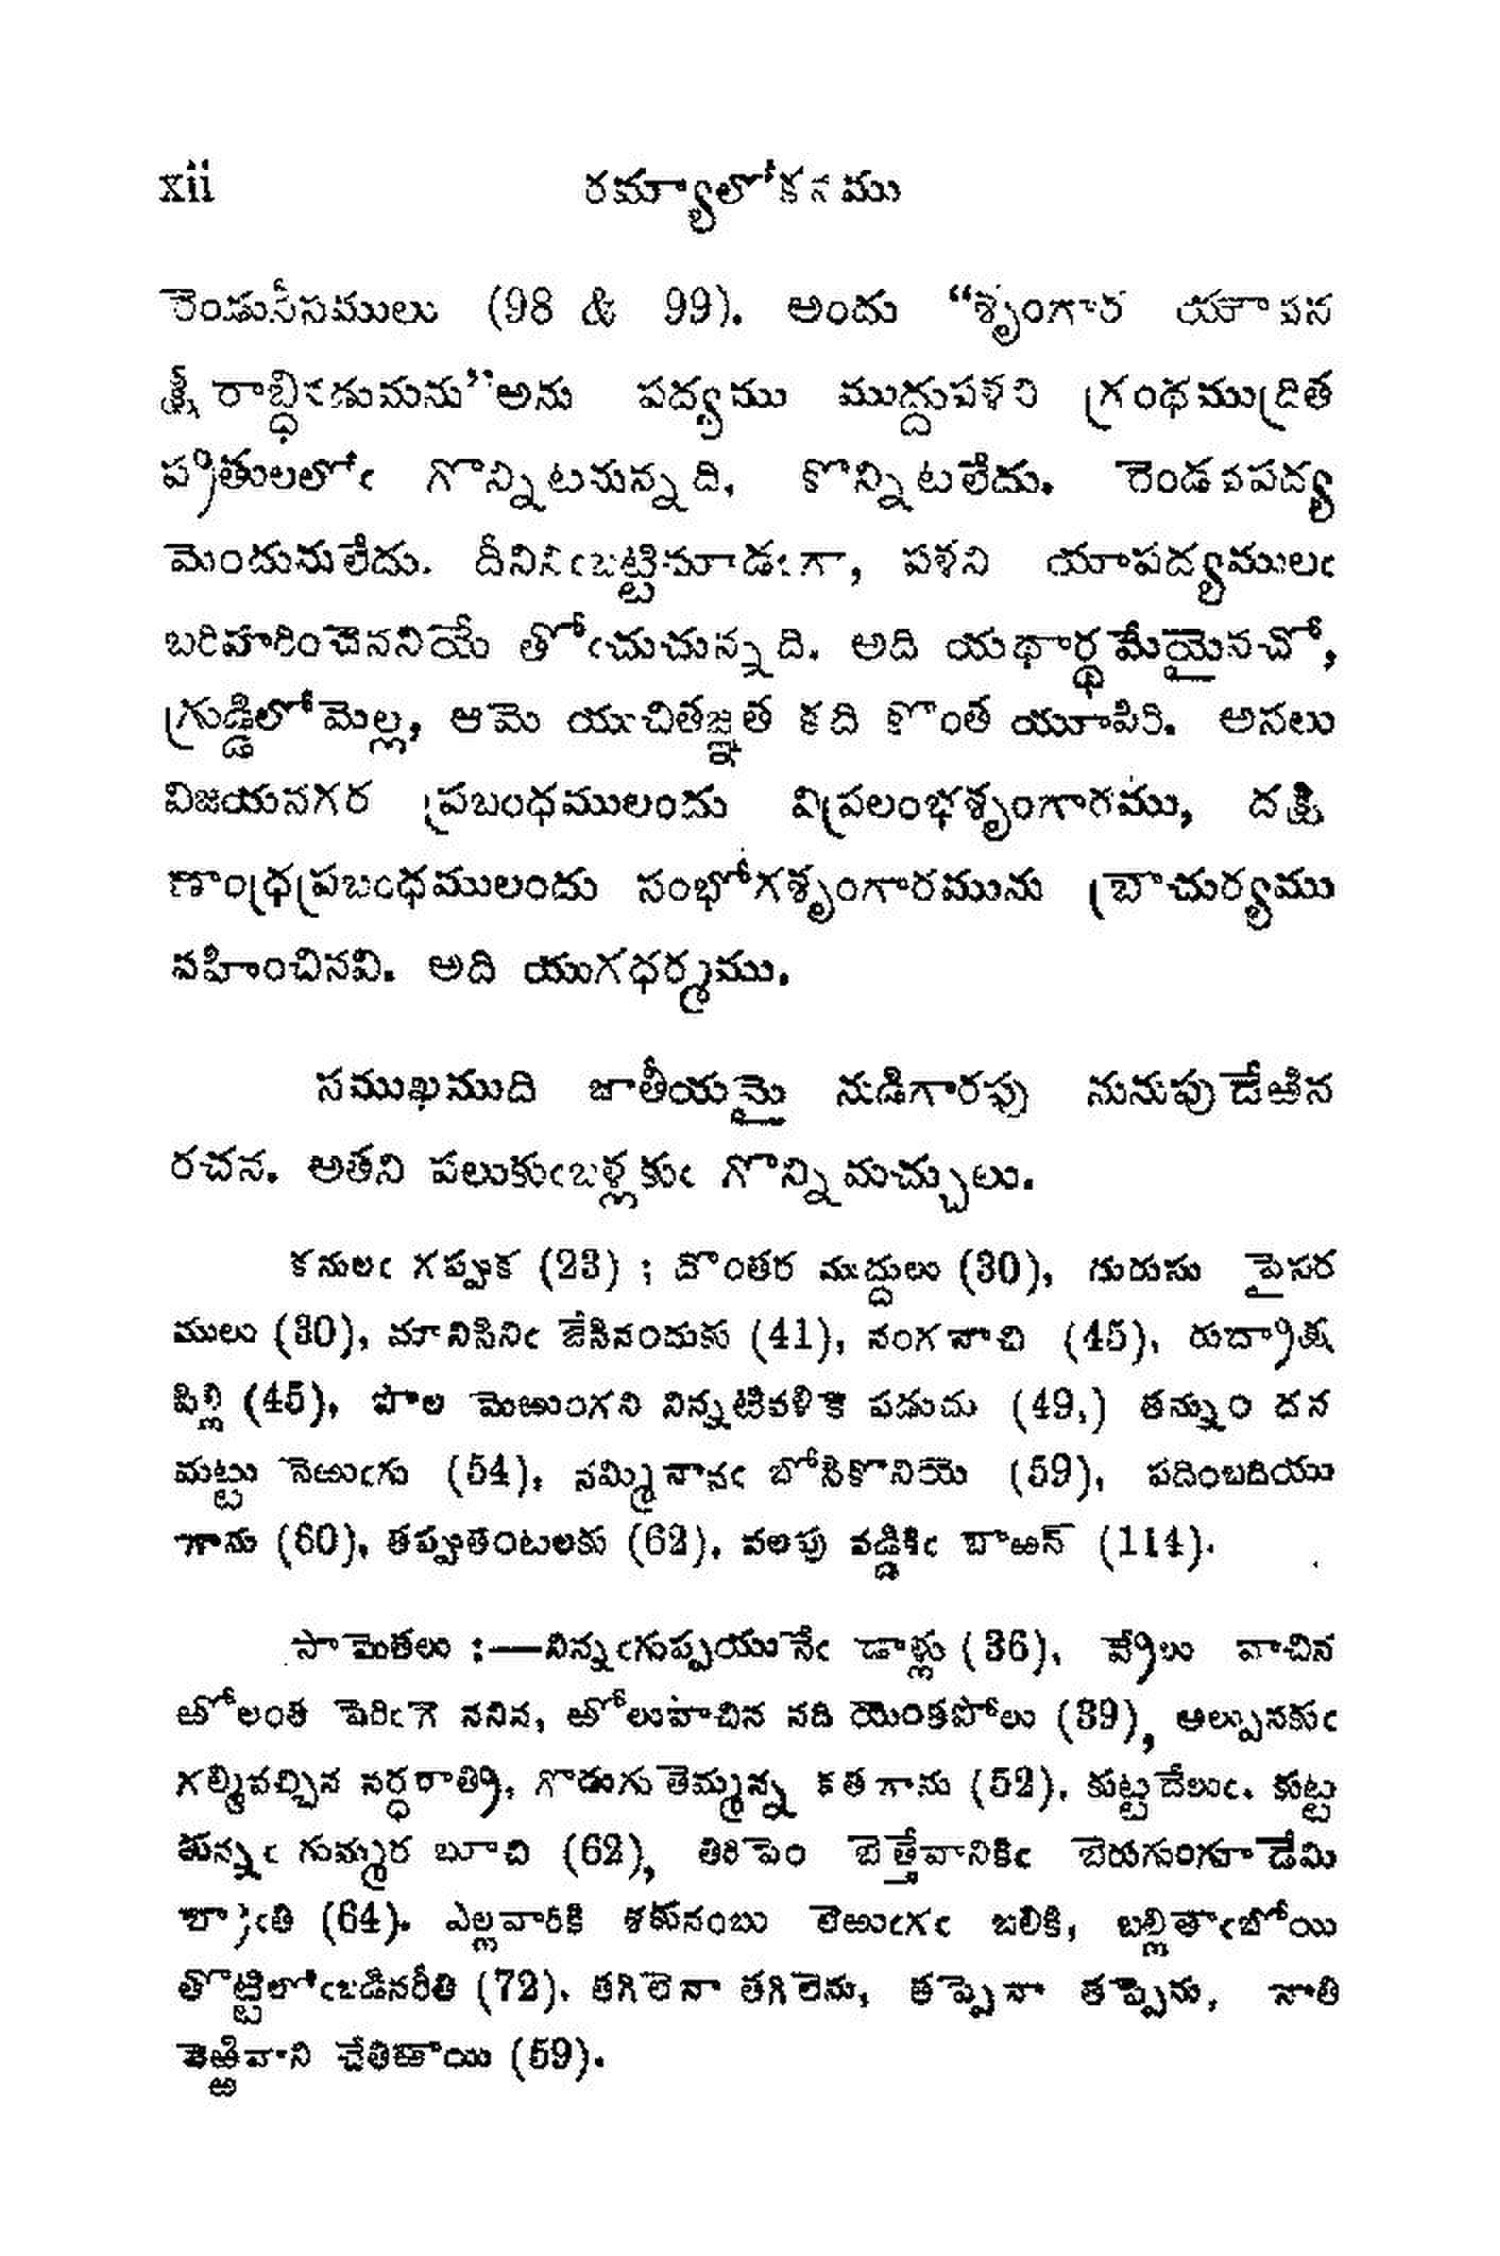రెండుసీసములు (98 & 99). అందు “శృంగారయౌవనక్షీరాబ్ధినడుమను” అను పద్యము ముద్దుపళని గ్రంథముద్రితప్రతులలోఁ గొన్నిట నున్నది, కొన్నిట లేదు. రెండవపద్య
మెందును లేదు. దీనినిఁ బట్టి చూడఁగా, పళని యాపద్యములఁ బరిహరించెననియే తోఁచుచున్నది. అది యథార్థమే యైనచో, గ్రుడ్డిలో మెల్ల, ఆమె యుచితజ్ఞత కది కొంత యూపిరి. అసలు విజయనగరప్రబంధములందు విప్రలంభశృంగారము, దక్షిణాంధ్రప్రబంధములందు సంభోగశృంగారమును బ్రాచుర్యము వహించినవి. అది యుగధర్మము.

సముఖముది జాతీయమై నుడిగారపు నునుపు దేఱిన రచన. అతని పలుకుఁబళ్లకుఁ గొన్ని మచ్చులు.

కనులఁ గప్పుక (23), దొంతర ముద్దులు (30), దురుసు పైసరములు (80), మానిసినిఁ జేసినందుకు (41), నంగనాచి (45), రుద్రాక్షపిల్లి (45), పొల మెఱుంగని నిన్నటివళికె పడుచు (49), తన్నుం దనమట్టు నెఱుఁగు (54), నమ్మి నానఁ బోసికొనియె (59), పదింబదియు గాను (60), తప్పుతంటలకు (68), వలపు వడ్డికిఁ బాఱన్ (114).

సామెతలు :- నిన్నఁ గుప్పయు నేఁ డాళ్లు (36), వ్రేలు వాచిన ఱోలంత పెరిఁగె ననిన, ఱోలు వాచిన నది యెంత పోలు (89), అల్పునకుఁ గల్మి వచ్చిన నర్ధరాత్రి, గొడుగు తెమ్మన్న కత గాను (52), కుట్ట దేలుఁ కుట్టకున్నఁ గుమ్మరబూచి (62), తిరిపెం బెత్తేవానికిఁ బెరుగుంగూ డేమి బ్రాతి (64). ఎల్లవారికి శకునంబు లెఱుఁగఁ బలికి, బల్లి తాఁ బోయి తొట్టిలోఁ బడినరీతి (72). తగిలెనా తగిలెను, తప్పెనా తప్పెను, నాతి వెఱ్ఱివాని చేతిఱాయి (59).